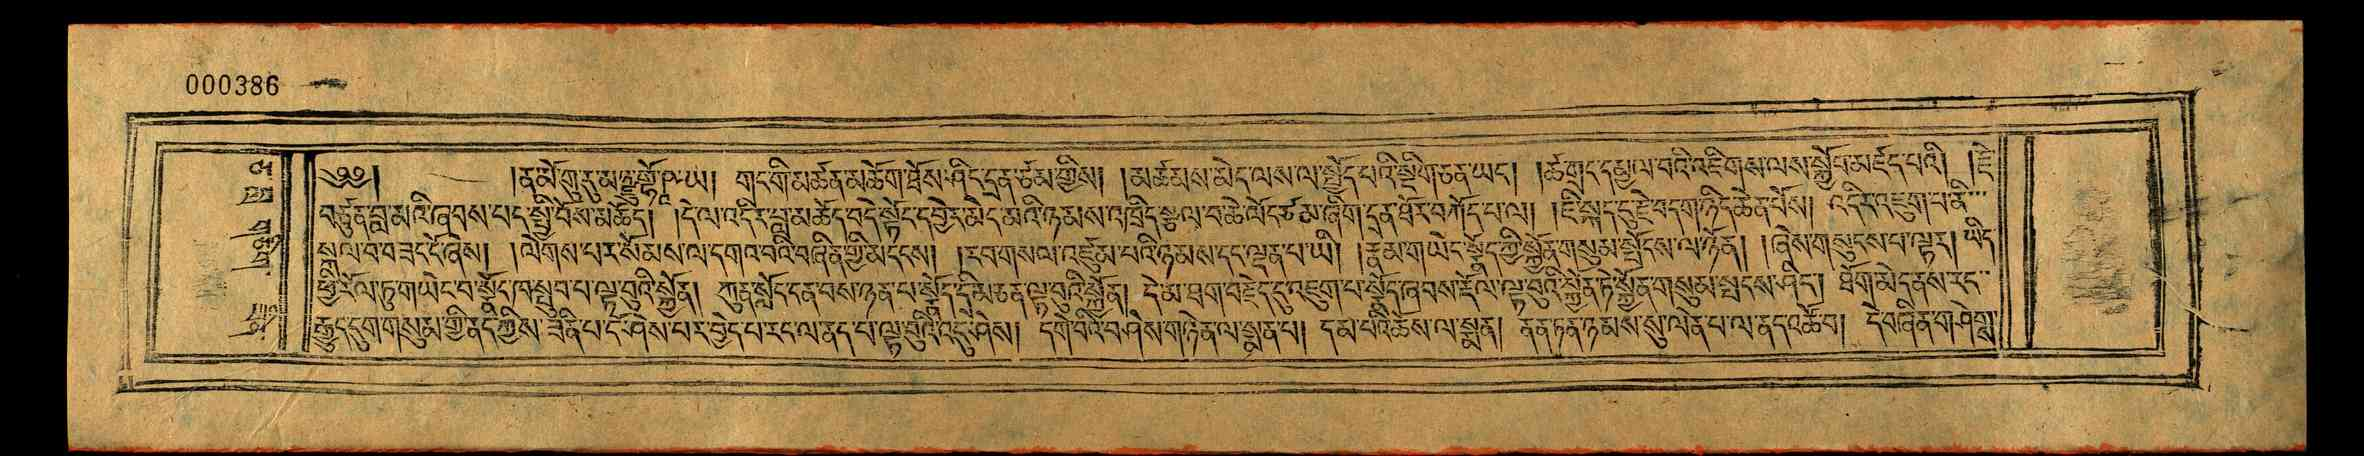༄༅། །ན་མོ་གུ་རུ་མཉྫུ་གྷོ་ཥཱ་ཡ། གང་གི་མཚན་མཆོག་ཐོས་ཤིང་དྲན་ཙམ་གྱིས། །མཚམས་མེད་ལས་ལ་སྤྱོད་པའི་སྡིག་ཅན་ཡང་། །ཚ་གྲང་དམྱལ་བའི་འཇིགས་ལས་སྐྱོབ་མཛད་པའི། །རྗེ་
བཙུན་བླ་མའི་ཞབས་པད་སྤྱི་བོས་མཆོད། །དེ་ལ་འདིར་བླ་མཆོད་བདེ་སྟོང་དབྱེར་མེད་མའི་ཉམས་འཁྲིད་སྩལ་བ་ཆེ་ལོང་ཙམ་ཞིག་དྲན་ཐོར་བཀོད་པ་ལ། །ཇི་སྐད་དུ་རྗེ་བདག་ཉིད་ཆེན་པོས། འདིར་འཇུག་པ་ནི་
སྐལ་བ་བཟང་ངོ་ཞེས། །ལེགས་པར་སོམས་ལ་དགའ་བའི་བཞིན་གྱི་མདངས། །རབ་གསལ་འཛུམ་པའི་ཉམས་དང་ལྡན་པ་ཡི། །རྣམ་གཡེང་སྣོད་ཀྱི་སྐྱོན་གསུམ་སྤོངས་ལ་ཉོན། །ཞེས་གསུངས་པ་ལྟར། ཡིད་
ཕྱི་རོལ་ཏུ་གཡེང་བ་སྣོད་ཁ་སྦུབ་པ་ལྟ་བུའི་སྐྱོན། ཀུན་སློང་ངན་པས་ཉན་པ་སྣོད་དྲི་མ་ཅན་ལྟ་བུའི་སྐྱོན། དེ་མ་ཐག་བརྗེད་དུ་འཇུག་པ་སྣོད་ཞབས་རྡོལ་ལྟ་བུའི་སྐྱོན་ཏེ་སྐྱོན་གསུམ་སྤངས་ཤིང་། ཐོག་མེད་ནས་རང་
རྒྱུད་དུག་གསུམ་གྱི་ནད་ཀྱིས་ཟིན་པ་ངོ་ཤེས་པར་བྱེད་པ་རང་ལ་ནད་པ་ལྟ་བུའི་འདུ་ཤེས། དགེ་བའི་བཤེས་གཉེན་ལ་སྨན་པ། དམ་པའི་ཆོས་ལ་སྨན། ནན་ཏན་ཉམས་སུ་ལེན་པ་ལ་ནད་འཚོ་བ། དེ་བཞིན་གཤེགས་